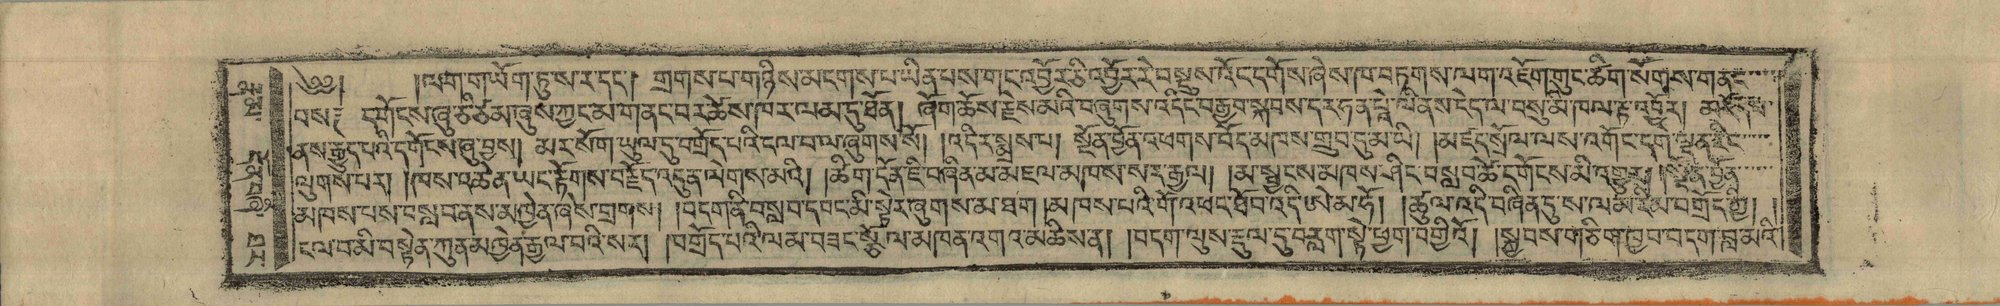༄༅། །ལག་གཡོག་ཏུ་ས་ར་དང་། གྲགས་པ་གཉིས་མངགས་པ་ཡིན་པས་གང་འབྱོར་ཅི་འབྱོར་རེ་བསྡུས་འོང་དགོས་ཞེས་ཁ་བཏགས་ལག་འཇོག་གུང་ཚིག་སོགས་གནང་
བས༑ དགོངས་ཞུ་ཅི་ཙམ་ཞུས་ཀྱང་མ་གནང་བར་ཚེས་ཁར་ལམ་དུ་ཐོན། ཞོག་ཆོས་རྗེས་མའི་བཞུགས་འདིང་བརྒྱ་བ་སྐབས་དར་ཧན་པE་ལི་ནས་ངེད་ལ་བསུ་མི་ཁལ་རྟ་འབྱོར། མཛོད་པ་
ནས་རྒྱུད་པའི་དགོངས་ཞུ་བྱས། མར་སོག་ཡུལ་དུ་བགྲོད་པའི་ངལ་བ་ལ་ཞུགས་སོ། །འདིར་སྨྲས་པ། སྔོན་བྱོན་འཕགས་བོད་མཁས་གྲུབ་དུ་མ་ཡི། །མཛད་སྲོལ་ལས་འགོང་དགེ་ལྡན་རིང་
ལུགས་པར། །ཁས་འཆེན་ཡང་རྟོགས་བརྗོད་འདུན་ལེགས་མའི། །ཚིག་དོན་ཇི་བཞིན་མ་མཇལ་མཁས་སར་རྒྱལ། །མ་སྦྱངས་མཁས་ཤིང་བསླབ་ཚེ་དགོངས་མི་འགྱུར། །སྔོན་བྱོན་
མཁས་པས་བསླབ་ནས་མཁྱེན་ཞེས་གྲགས། །བདག་ནི་བསླབ་དབང་མི་སྟེར་ཞུགས་མ་ཐག །མཁས་པའི་གོ་འཕང་ཐོབ་འདི་ཨེ་མ་ཧོ། །ཚུལ་འདི་བཞིན་དུ་ས་ལམ་རིམ་བགྲོད་ཀྱི། །
ངལ་བ་མི་བསྟེན་ཀུན་མཁྱེན་རྒྱལ་བའི་སར། །བགྲོད་པའི་ལམ་བཟང་སྩོལ་མཁན་འགའ་མཆིས་ན། །བདག་ལུས་རྡུལ་དུ་བརླག་སྟེ་ཕྱག་བགྱིའོ། །སྐྱབས་གཅིག་ཁྱབ་བདག་བླ་མའི་